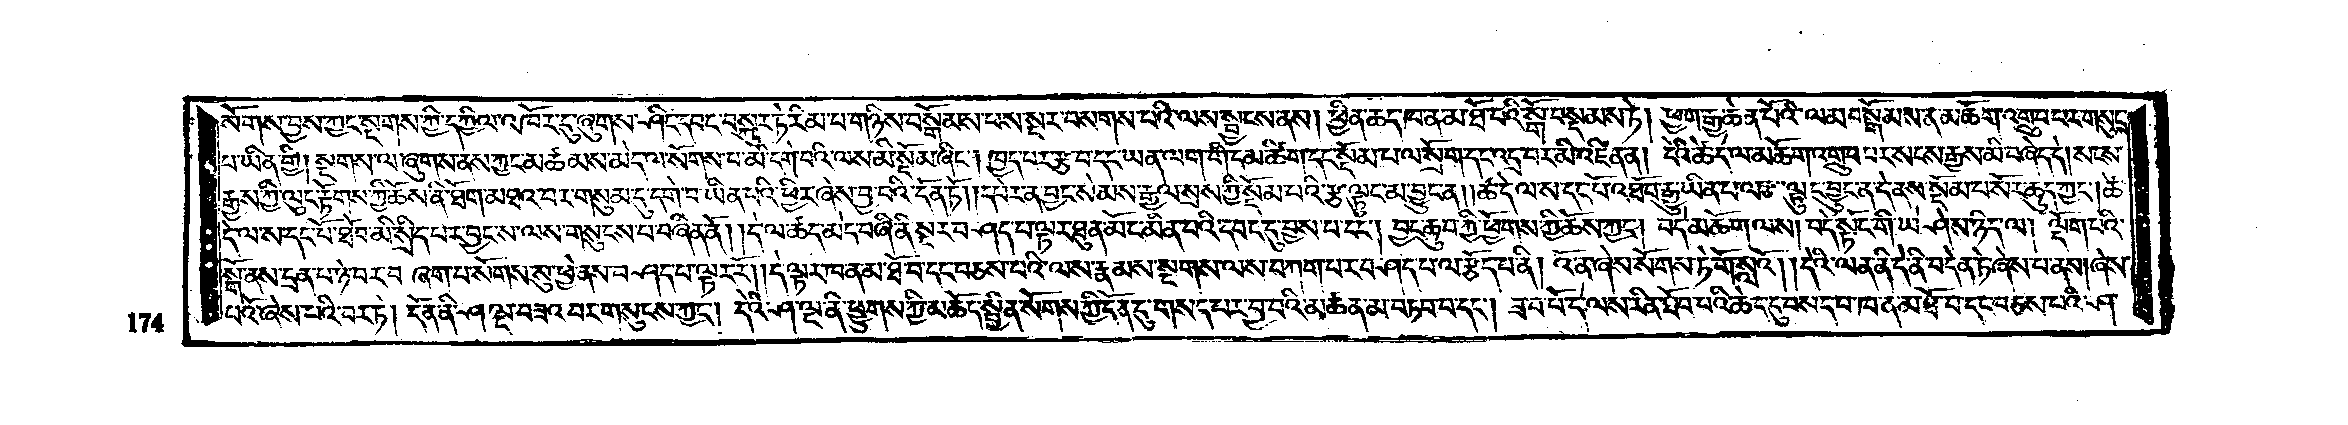སོགས་བྱས་ཀྱང་སྔགས་ཀྱི་དཀྱིལ་འཁོར་དུ་ཞུགས་ཤིང་དབང་བསྐུར་ཏེ་རིམ་པ་གཉིས་བསྒོམས་པས་སྔར་བསགས་པའི་ལས་སྦྱངས་ནས། ཕྱིན་ཆད་ཁ་ན་མ་ཐོ་བའི་སྒོ་བསྡམས་ཏེ། ཕྱག་རྒྱ་ཆེན་པོའི་ལམ་བསྒོམས་ན་མཆོག་འགྲུབ་པར་གསུངས་
པ་ཡིན་གྱི། སྔགས་ལ་ཞུགས་ནས་ཀྱང་མཚམས་མེད་ལ་སོགས་པ་མི་དགེ་བའི་ལས་མི་སྡོམ་ཞིང་། ཁྱད་པར་རྩ་བ་དང་ཡན་ལག་གི་དམ་ཚིག་དང་སྡོམ་པ་ལ་སྲོག་དང་འདྲ་བར་མི་འཛིན་ན། དེའི་ཚེ་དེ་ལ་མཆོག་འགྲུབ་པར་སངས་རྒྱས་མི་བཞེད་དེ། སངས་
རྒྱས་ཀྱི་ལུང་རྟོགས་ཀྱི་ཆོས་ནི་ཐོག་མཐའ་བར་གསུམ་དུ་དགེ་བ་ཡིན་པའི་ཕྱིར་ཞེས་བྱ་བའི་དོན་ཏོ། །དཔེར་ན་བྱང་སེམས་རྒྱལ་སྲས་ཀྱི་སྡོམ་པའི་རྩ་ལྟུང་མ་བྱུང་ན། །ཚེ་དེ་ལ་ས་དང་པོ་འཐོབ་རྒྱུ་ཡིན་པ་ལ་རྩ་ལྟུང་བྱུང་ན་དེ་ནས་སྡོམ་པ་སོར་ཆུད་ཀྱང་། ཚེ་
དེ་ལ་ས་དང་པོ་ཐོབ་མི་སྲིད་པར་བྱང་ས་ལས་གསུངས་པ་བཞིན་ནོ། །དེ་ལ་ཚད་མེད་བཞི་ནི་སྔར་བཤད་པ་ལྟར་ཐུན་མོང་མིན་པའི་དབང་དུ་བྱས་པ་དང་། བྱང་ཆུབ་ཀྱི་ཕྱོགས་ཀྱི་ཆོས་ཀྱང་། བདེ་མཆོག་ལས། བདེ་སྟོང་གི་ཡེ་ཤེས་ཉིད་ལ། ལྡོག་པའི་
སྒོ་ནས་དྲན་པ་ཉེ་བར་བཞག་པ་སོགས་སུ་ཕྱེ་ནས་བཤད་པ་ལྟར་རོ། །དེ་ལྟར་ཁ་ན་མ་ཐོབ་དང་བཅས་པའི་ལས་རྣམས་སྔགས་ལས་བཀག་པར་བཤད་པ་ལ་རྩོད་པ་ནི། འོ་ན་ཞེས་སོགས་ཏེ་གོ་སླའོ། །དེའི་ལན་ནི་དེ་ནི་བདེན་ཏེ་ཞེས་པ་ནས། ཞེས་
པའོ་ཞེས་པའི་བར་ཏེ། དོན་ནི་ཤ་ལྔ་བཟའ་བར་གསུངས་ཀྱང་། དེའི་ཤ་ལྔ་ནི་ཕྱུགས་ཀྱི་མཆོད་སྦྱིན་སོགས་ཀྱི་དོན་དུ་གསད་པར་བྱ་བའི་མཚན་མ་བཏབ་པ་དང་། ཟབ་པོ་དེ་ལས་རིན་ཐོབ་པའི་ཆེད་དུ་བསད་པ་ཁ་ན་མ་ཐོ་བ་དང་བཅས་པའི་ཤ་